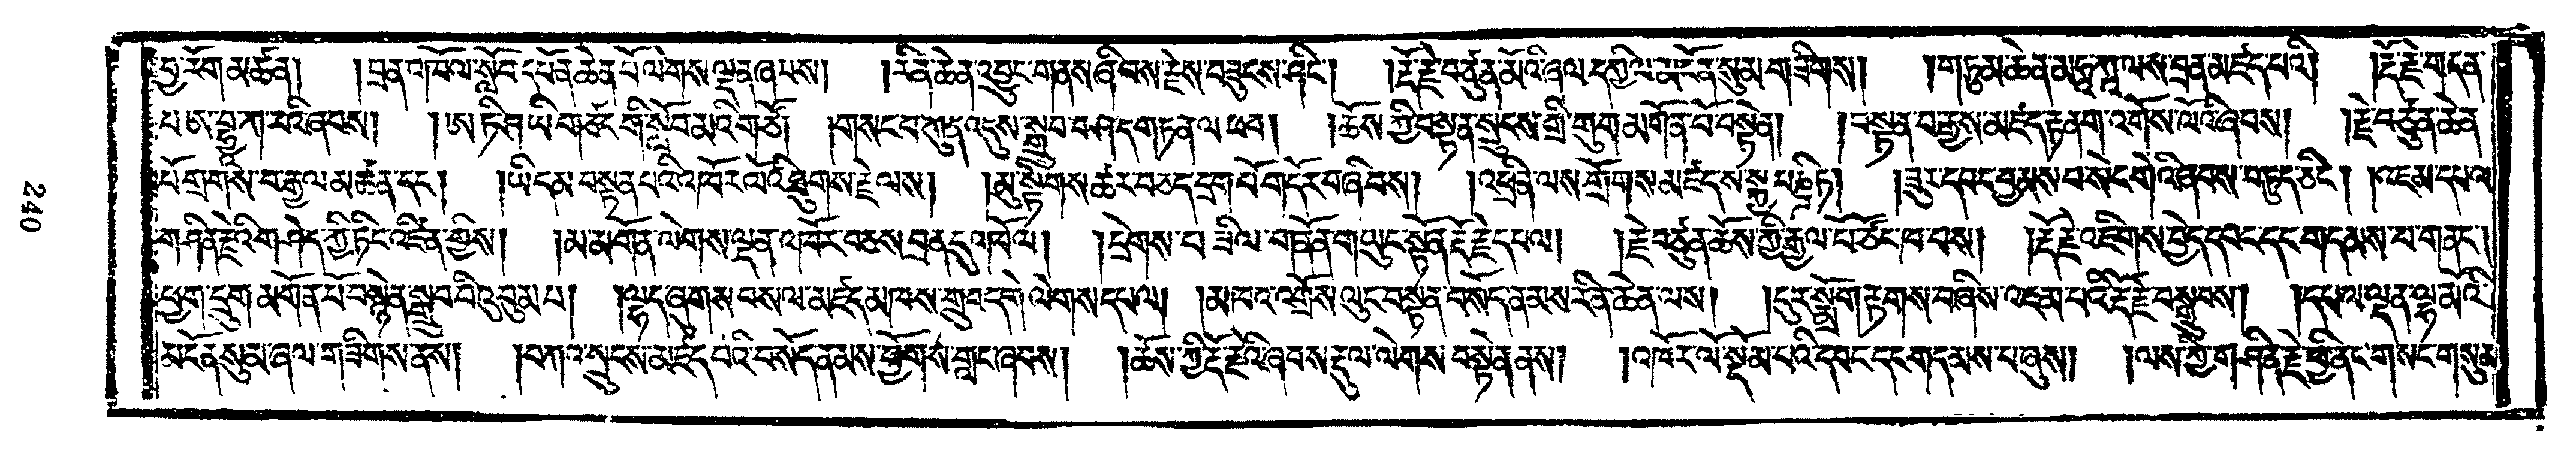བྱ་རོག་མཚན། ། བྲན་འཁོལ་སློབ་དཔོན་ཆེན་པོ་ལེགས་ལྡན་ཞབས། ། རིན་ཆེན་འབྱུང་གནས་ཞིབས་རྗེས་བཟུང་ཤིང་། །རྡོ་རྗེ་བཙུན་མོའི་ཞལ་དཀྱིལ་མངོན་སུམ་གཟིགས། ། གཏུམ་ཆེན་མ་ཧཱ་ཀཱ་ལས་བྲན་མཛད་པའི། །རྡོ་རྗེ་གདན་
པ་ཨ་བྷྱཱ་ཀ་རའི་ཞབས། །ཨ་ཏི་ཤ་ཡི་གཙང་གི་སློབ་མའི་གཙོ། །གསང་བ་ཀུན་འདུས་སྒྲུབ་བཤད་གཏན་ལ་ཕབ། །ཆོས་ཀྱི་བསྟན་སྲུངས་གྲི་གུག་མགོན་བོ་བསྟེན། །བསྟན་བ་རྒྱས་མཛད་རྟ་ནག་འགོས་ལོའི་ཞབས། །རྗེ་བཙུན་ཆེན་
པོ་གྲགས་བ་རྒྱལ་མཚན་དང་། །ཡི་དམ་བསྟན་པའི་འཁོར་ལོའི་ཐུགས་རྗེ་ལས། །མུ་སྟིགས་ཚར་བཅད་དྲག་པོ་གདོར་བཞི་བས། །འཕྲིན་ལས་གྲོགས་མཛད་ས་སྐྱ་པཎྜི་ཏ། །ཟུར་དབང་བྱམས་བ་སེངྒེའི་ཞབས་བཏུད་ཅིང་། །འཇམ་དཔལ་
གཤིན་རྗེའི་གཤེད་ཀྱི་ཏིང་འཛིན་གྱིས། །མ་མགོན་ལེགས་ལྡན་འཁོར་བཅས་བྲན་དུ་འཁོལ། །དྲེགས་པ་ཟིལ་གནོན་གཡུང་སྟོན་རྡོ་རྗེ་དཔལ། །རྗེ་བཙུན་ཆོས་ཀྱི་རྒྱལ་པོ་ཙོང་ཁ་བས། །རྡོ་རྗེ་འཇིགས་བྱེད་དབང་དང་གདམས་པ་གནང་། །
ཕྱག་དྲུག་མགོན་པོ་བསྙེན་སྒྲུབ་བིའུ་བུམ་པ། །ལྷད་ཞུགས་བསལ་མཛད་མཁས་གྲུབ་དགེ་ལེགས་དཔལ། །མཁའ་འགྲོས་ལུང་བསྟན་བསོད་ནམས་རིན་ཆེན་ལས། །དུར་སྨྲོག་རྟགས་བཞིས་འཇམ་པའི་རྡོ་རྗེ་བསྒྲུབས། །དཔལ་ལྡན་ལྷ་མོའི་
མངོན་སུམ་ཞལ་གཟིགས་ནས། །བཀའ་སྲུངས་མཛད་བའི་བསོད་ནམས་ཕྱོགས་གླང་ཞབས། །ཆོས་ཀྱི་རྡོ་རྗེའི་ཞབས་རྡུལ་ལེགས་བསྟེན་ནས། །འཁོར་ལོ་སྔོམ་པའི་དབང་དང་གདམས་པ་ཞུས། །ལས་ཀྱི་གཤིན་རྗེ་ཕྱི་ནང་གསང་གསུམ་